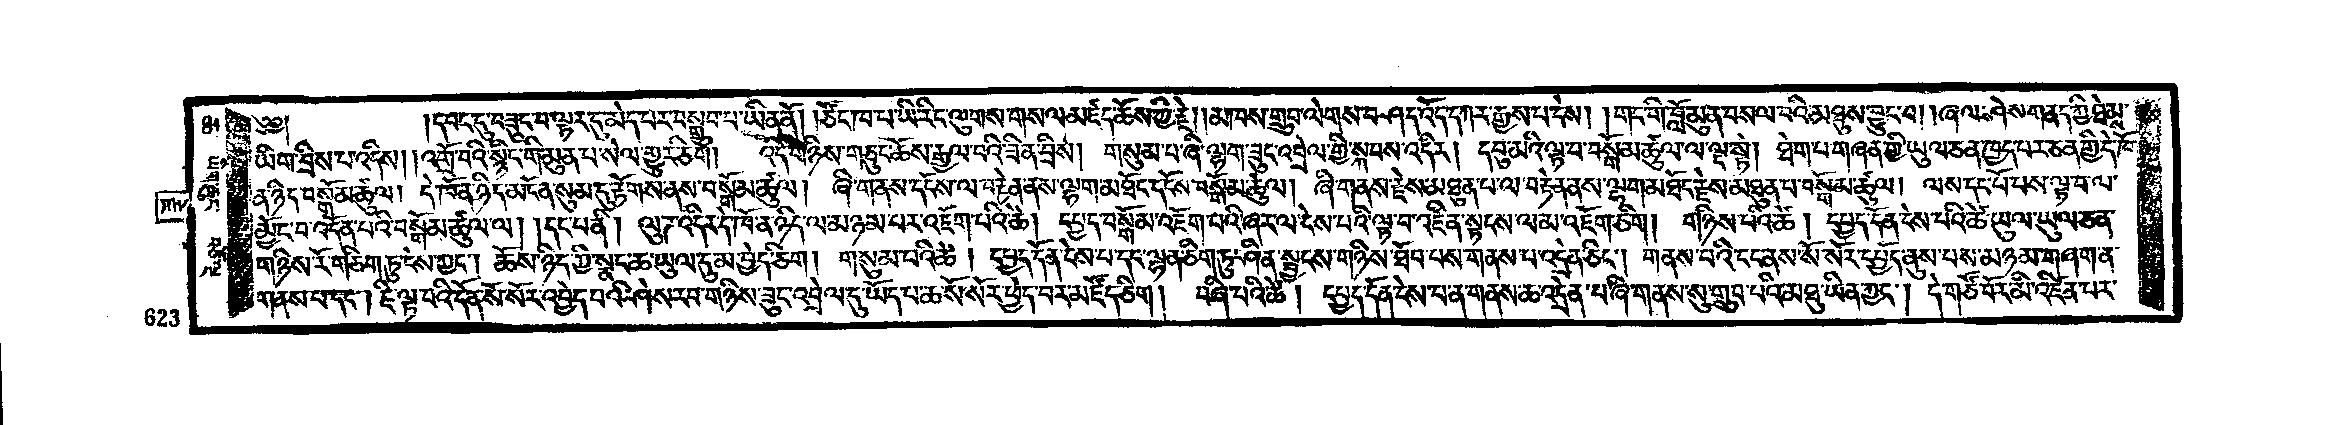༄༅། །དབང་དུ་བཟུང་བ་ལྟར་དུ་མེད་པར་བསྒྲུབ་པ་ཡིན་ནོ། །ཙོང་ཁ་པ་ཡི་རིང་ལུགས་གསལ་མཛད་ཆོས་ཀྱི་རྗེ། །མཁས་གྲུབ་ལེགས་བཤད་འོད་དཀར་རྒྱས་པ་དེས། །གང་གི་བློ་མུན་བསལ་བའི་མཐུས་བྱུང་བ། །ཞལ་ཤེས་གནད་ཀྱི་ཐིམས་
ཡིག་བྲིས་པ་འདིས། །འགྲོ་བའི་སྙིང་གི་མུན་པ་སེལ་གྱུར་ཅིག །འདི་གཉིས་གཅུང་ཆོས་རྒྱལ་བའི་ཟིན་བྲིས། གསུམ་པ་ཞི་ལྷག་ཟུང་འབྲེལ་གྱི་སྐབས་འདིར། དབུ་མའི་ལྟ་བ་བསྒོམ་ཚུལ་ལ་ལྔ་སྟེ། ཐེག་པ་གཞན་གྱི་ཡུལ་ཅན་ཁྱད་པར་ཅན་གྱི་དེ་ཁོ་
ན་ཉིད་བསྒོམ་ཚུལ། དེ་ཁོ་ན་ཉིད་མངོན་སུམ་དུ་རྟོགས་ནས་བསྒོམ་ཚུལ། ཞི་གནས་དངོས་ལ་བརྟེན་ནས་ལྷག་མཐོང་དངོས་བསྒོམ་ཚུལ། ཞི་གནས་རྗེས་མཐུན་པ་ལ་བརྟེན་ནས་ལྷག་མཐོང་རྗེས་མཐུན་པ་བསྒོམ་ཚུལ། ལས་དང་པོ་པས་ལྟ་བ་ལ་
མྱོང་བ་འདོན་པའི་བསྒོམ་ཚུལ་ལོ། །དང་པོ་ནི། ལུཌ་འདིར་དེ་ཁོ་ན་ཉིད་ལ་མཉམ་པར་འཇོག་པའི་ཚེ། དཔྱད་བསྒོམ་འཇོག་པའི་ཞར་ལ་ངེས་པའི་ལྟ་བ་འཛིན་སྟངས་ལ་མ་འཇོག་ཅིག །གཉིས་པའི་ཚེ། དཔྱད་དོན་ངེས་པའི་ཚེ་ཡུལ་ཡུལ་ཅན་
གཉིས་རོ་གཅིག་ཏུ་ངེས་ཀྱང་། ཆོས་ཉིད་ཀྱི་སྣང་ཆ་ཡུལ་དུ་མ་བྱེད་ཅིག །གསུམ་པའི་ཚེ། དཔྱད་དོན་ངེས་པ་དང་ལྷན་ཅིག་ཏུ་ཤིན་སྦྱངས་གཉིས་ཐོབ་པས་གནས་པ་འདྲེན་ཅིང་། གནས་པའི་ངང་ནས་སོ་སོར་དཔྱོད་ནུས་པས་མཉམ་གཞག་ན་
གནས་པ་དང་། ཇི་ལྟ་བའི་དོན་སོ་སོར་འབྱེད་པའི་ཤེས་རབ་གཉིས་ཟུང་འབྲེལ་དུ་ཡོད་པ་ཆ་སོ་སོར་ཕྱེད་པར་མཛོད་ཅིག །བཞི་པའི་ཚེ། དཔྱད་དོན་ངེས་པ་ན་གནས་ཆ་འདྲེན་པ་ཞི་གནས་སུ་གྲུབ་པའི་མཐུ་ཡིན་ཀྱང་། དེ་གཙོ་བོར་མི་འཛིན་པར་